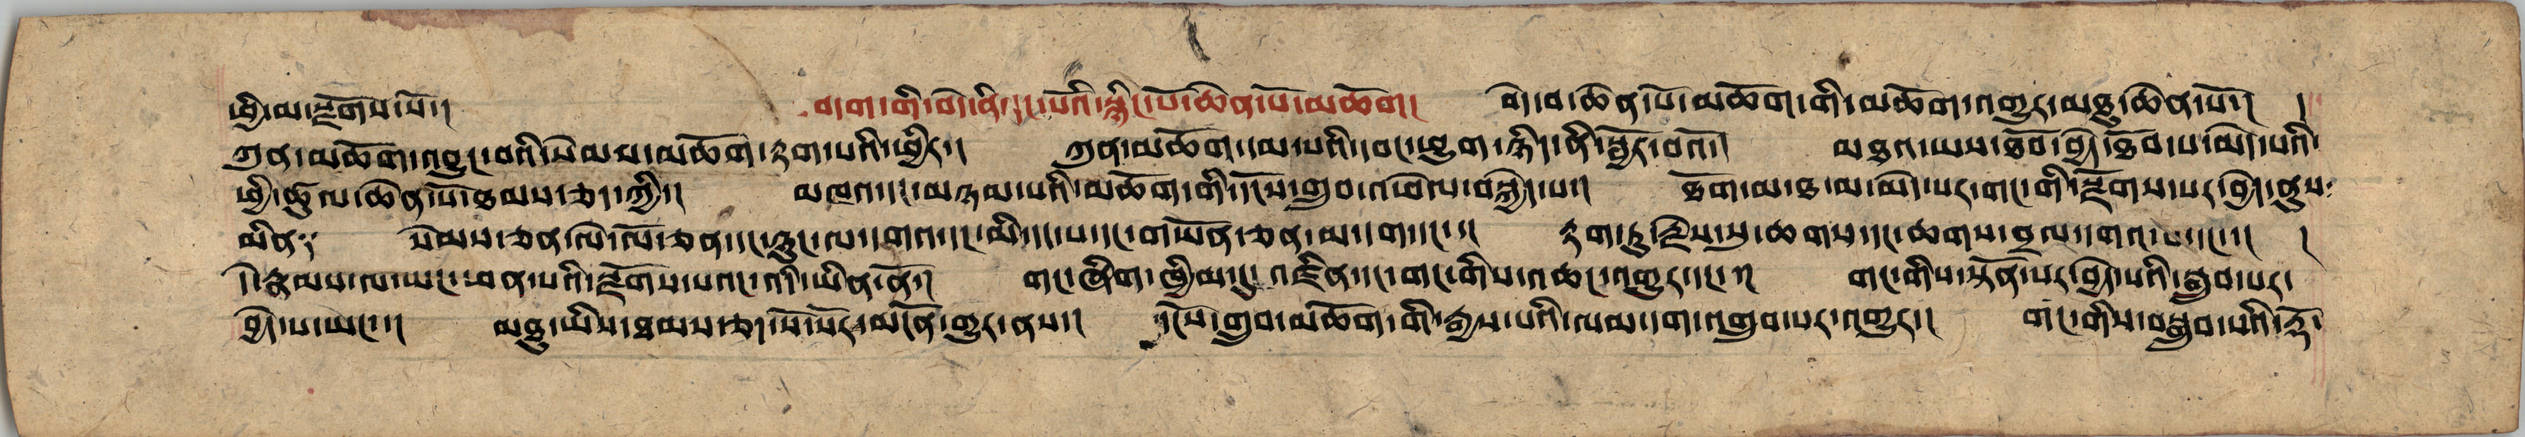ཕྱི་མ་སྫོགས་སོ་། བདག་གི་བདེ་ནི་དང་པོའི་སྙིང་པོ་ཆེན་པོ་མཆོག། བདེ་བ་ཆེན་པོ་མཆོག་གི་མཆོག་འགྱུར་མཐུ་ཆེན་པོ་། །
ཀུན་མཆོག་འབྱུང་བའི་སེམས་མཆོག་རྟག་པའི་ཕྱིར་། ཀུན་མཆོག་དམ་པའི་དབང་ཕྱུག་ཉིད་ནི་སྦྱོར་བའོ་། མཐའ་ཡས་ཐོབ་བྱེད་ཐོབ་པ་མེད་པའི་
ཕྱི་ཚུལ་ཆེན་པོ་ཐམས་ཅད་ཀྱི་། མཁའ་དང་མཉམ་པའི་མཆོག་གི་དངོས་གྲུབ་འཕེལ་བསྐྱེད་པ་། ཐོག་མ་ཐ་མ་མེད་པར་གང་གི་སྫོགས་པར་བྱེད་ནུས་
མིན༑ སེམས་ཅན་ལེ་ལོ་ཅན་དང་ཉུང་ལ་དགའ་དང་མི་དང་པ་དང་གཡོན་ཅན་མ་དག་དང་་། རྟག་ཏུ་རྗེས་སུ་ཆགས་དང་ཆགས་བྲལ་དགའ་བ་དང་་།
དེ་རྣམས་ལ་ཡང་ཕན་པའི་སྫོགས་པའང་འདི་ཡིན་ནོ་། གང་ཞིག་ཁྱིམ་དུ་འཛིན་དང་གང་གིས་འཆང་འགྱུར་དང་་། གང་གིས་སྟོན་པར་བྱེད་པའི་སྒྲུབ་པར་
བྱེད་པ་ཡང་་། མཐུ་ཡིས་ཐམས་ཅན་སོ་སོར་མངོན་གྱུར་ནས་། དངོས་གྲུབ་མཆོག་གི་རྒྱས་པའི་ལམ་དག་འགྲུབ་པར་འགྱུར་། གང་གིས་བསྒྲུབ་པའི་རྡོ་